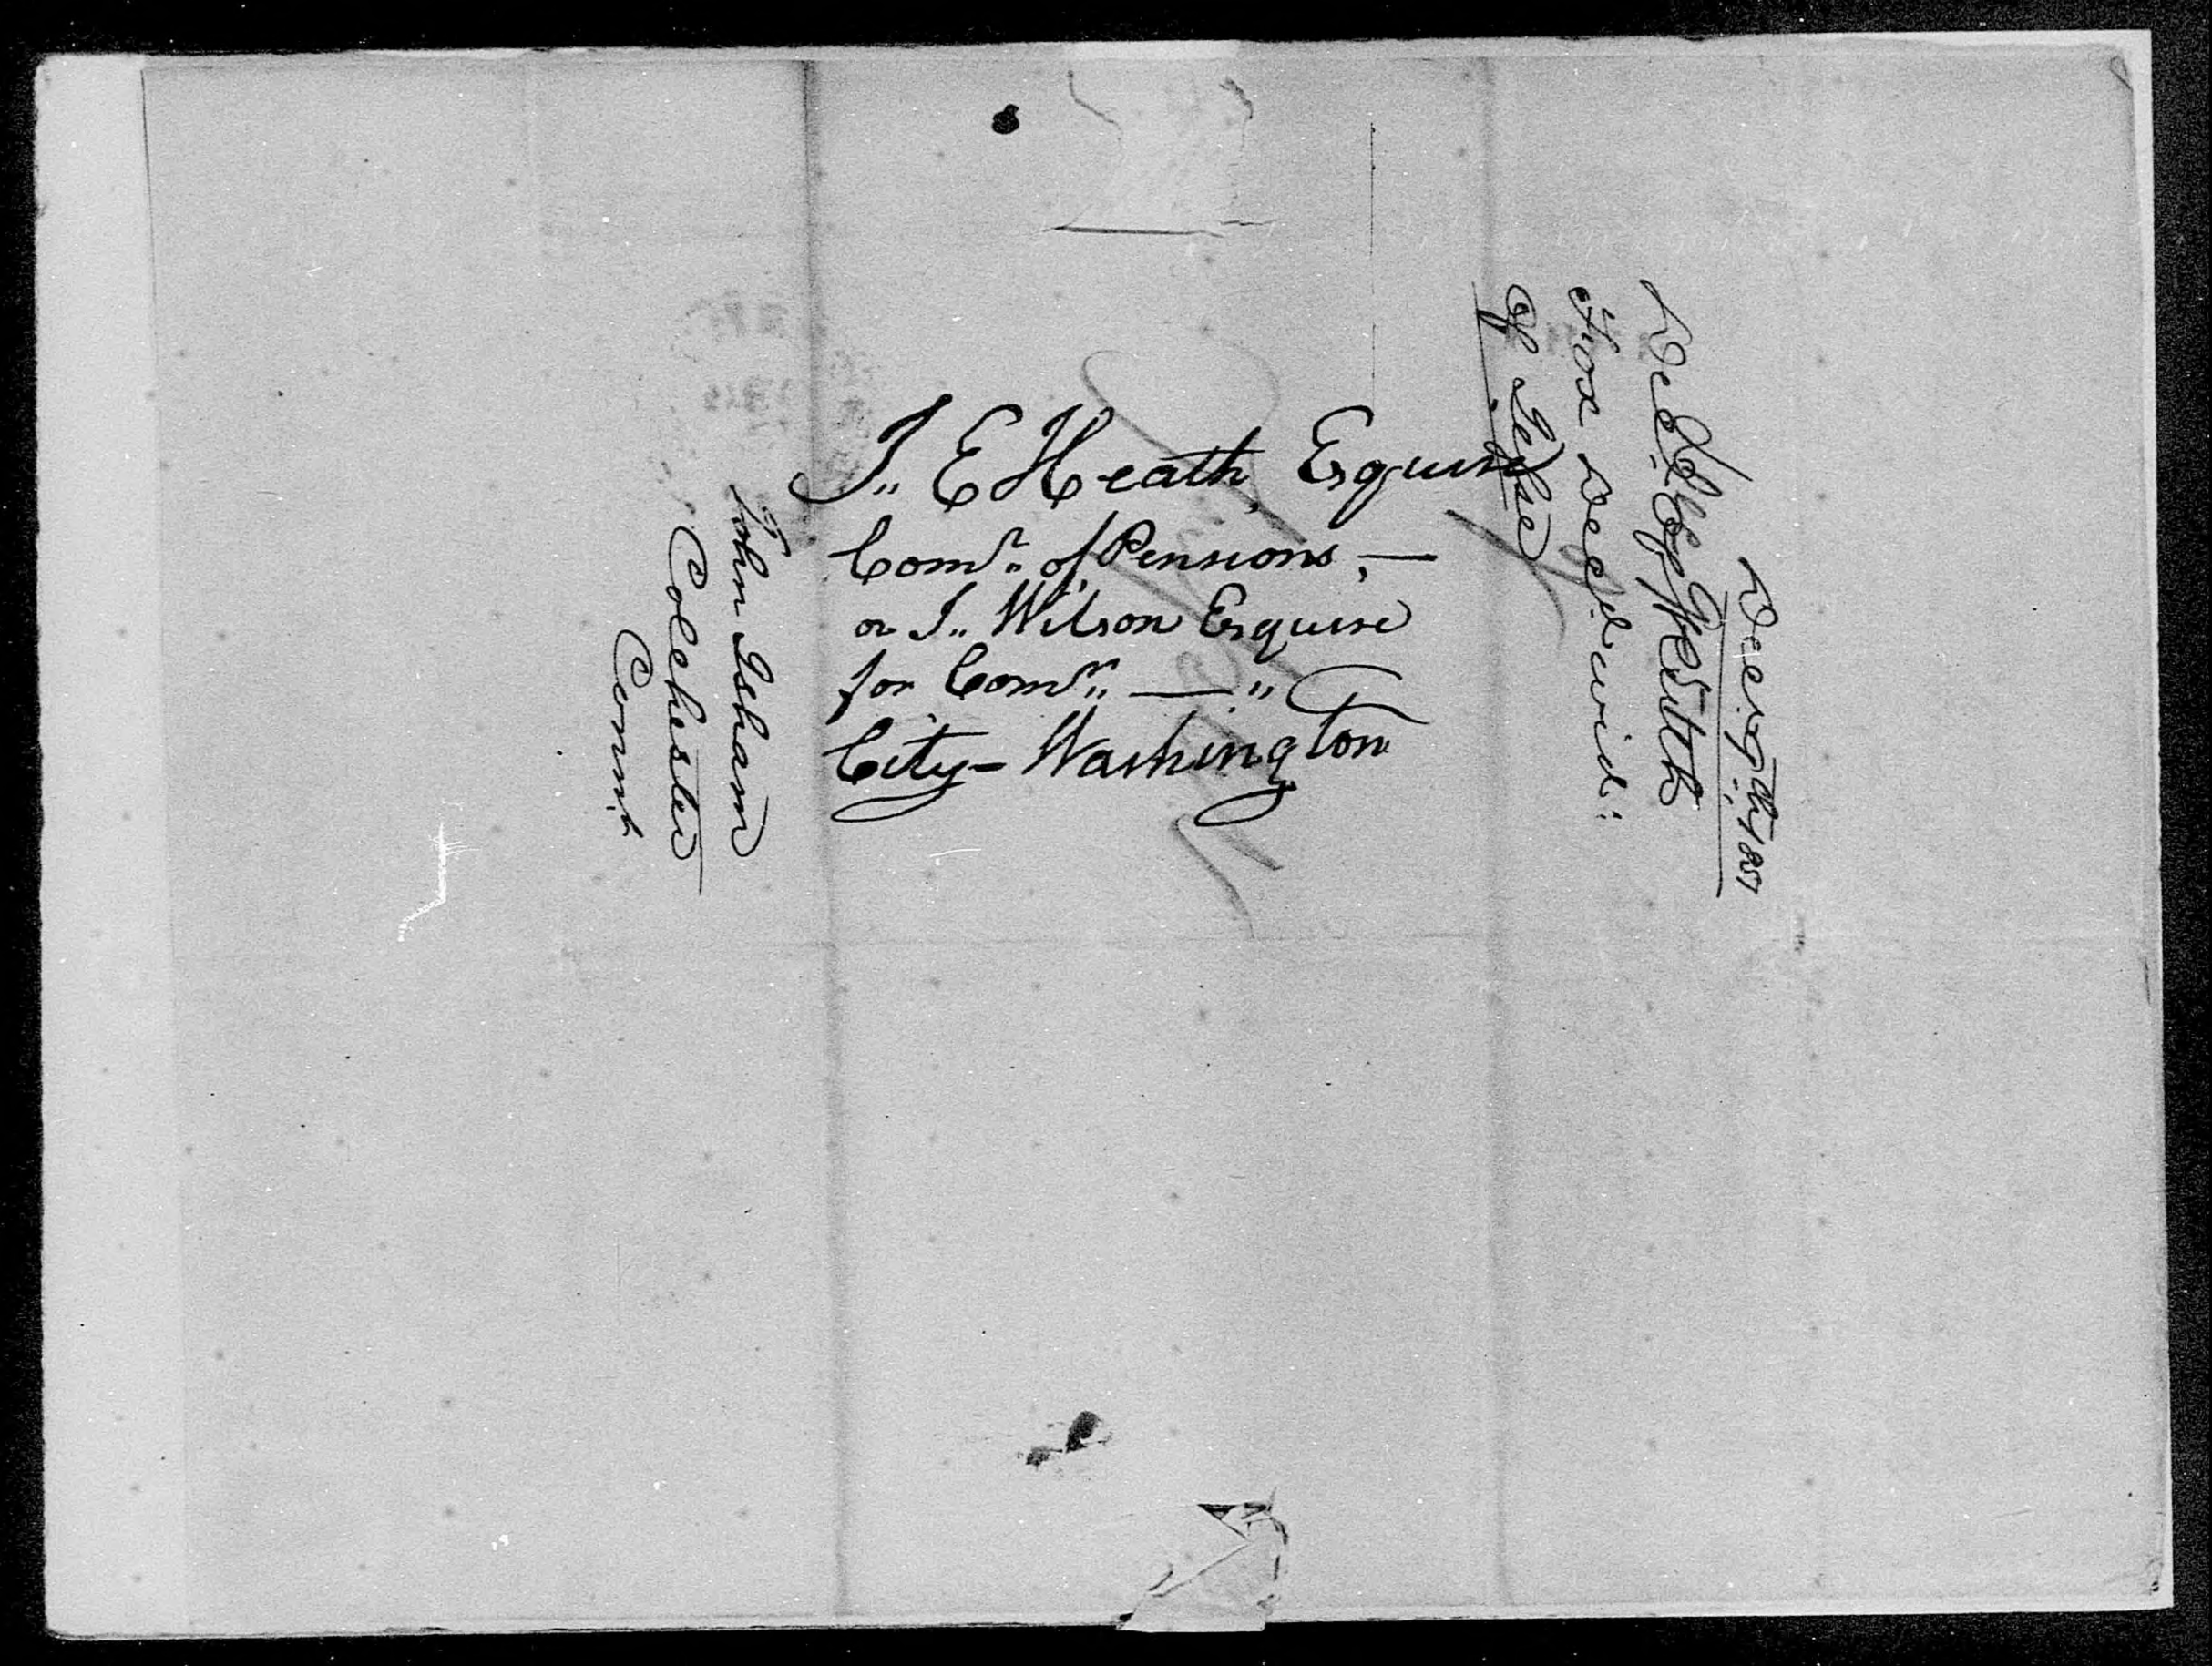J E Heath Esquire
Com. of Pension
or J. Wilson Esquire
for Comm
City Washington

Dec 9th 1851
Decd ? ? Heath
Fox Dec'd wid:


John Isham
colchester
Connt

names: John Isham, J Wilson, J E Heath, Jesse Fox, Ruth Fox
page: 37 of 53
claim: rejected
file: R. 3732, Jesse Fox, Conn.